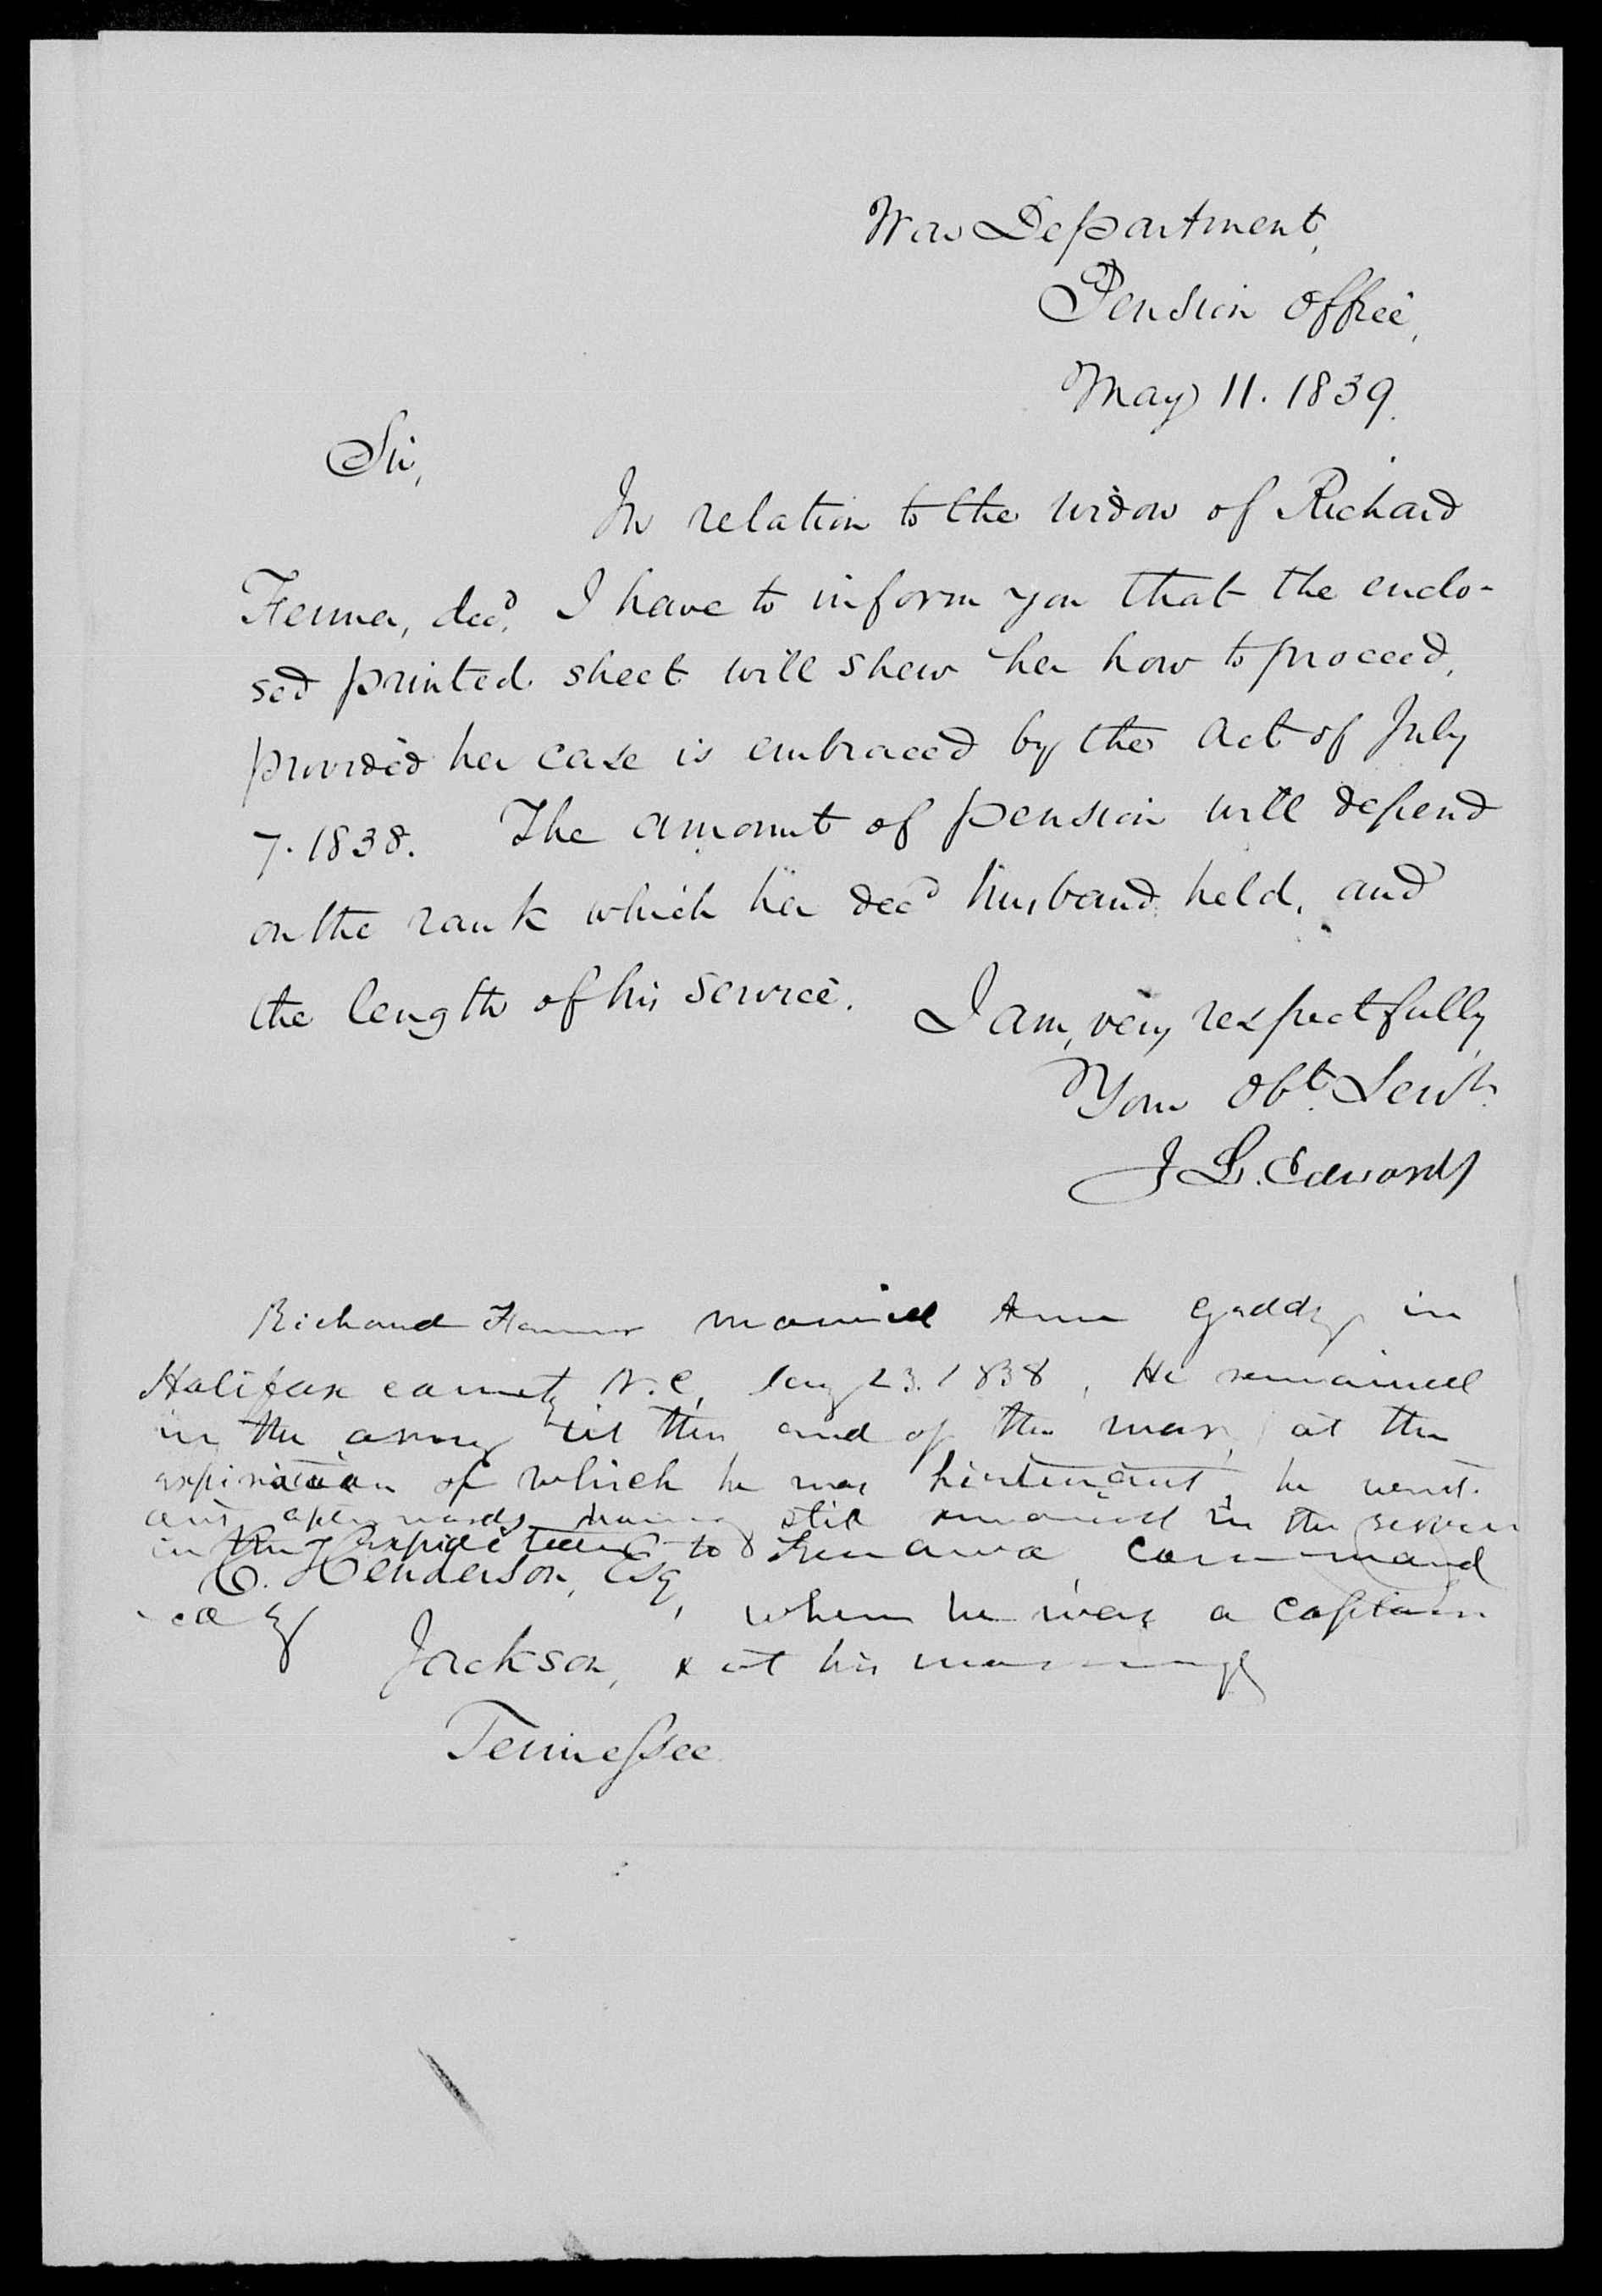War Department
                          Pension Office
                           May 11, 1839

In relation to the widow of Richard Fermer, dec'd, I have to inform you that the enclosed printed sheet will show her how to proceed, provided her her case is embraced by the Act of July 7. 1838. The amount of pension will depend on the rank which her dec'd husband held and the length of his service.
I am very respectfully your obt. Servant,
J. L Edwards

Richard Fermer married Anna Gaddy in Halifax County NC July 23. 1838. He remained in the army til the end of the war at the expiration of which he was Lieutenant , he went and afterwards having still remained in the service in the expedition to [illegible] command when he was a captain &at his [illegible]
C. Henderson Esq, 
Jackson 
Tennessee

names: Richard Fenner, Jackson, Ann Geddy, Richard Fenner, J L Edwards, C Henderson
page: 39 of 39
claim: widow's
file: W. 789, Richard Fenner, N.C.